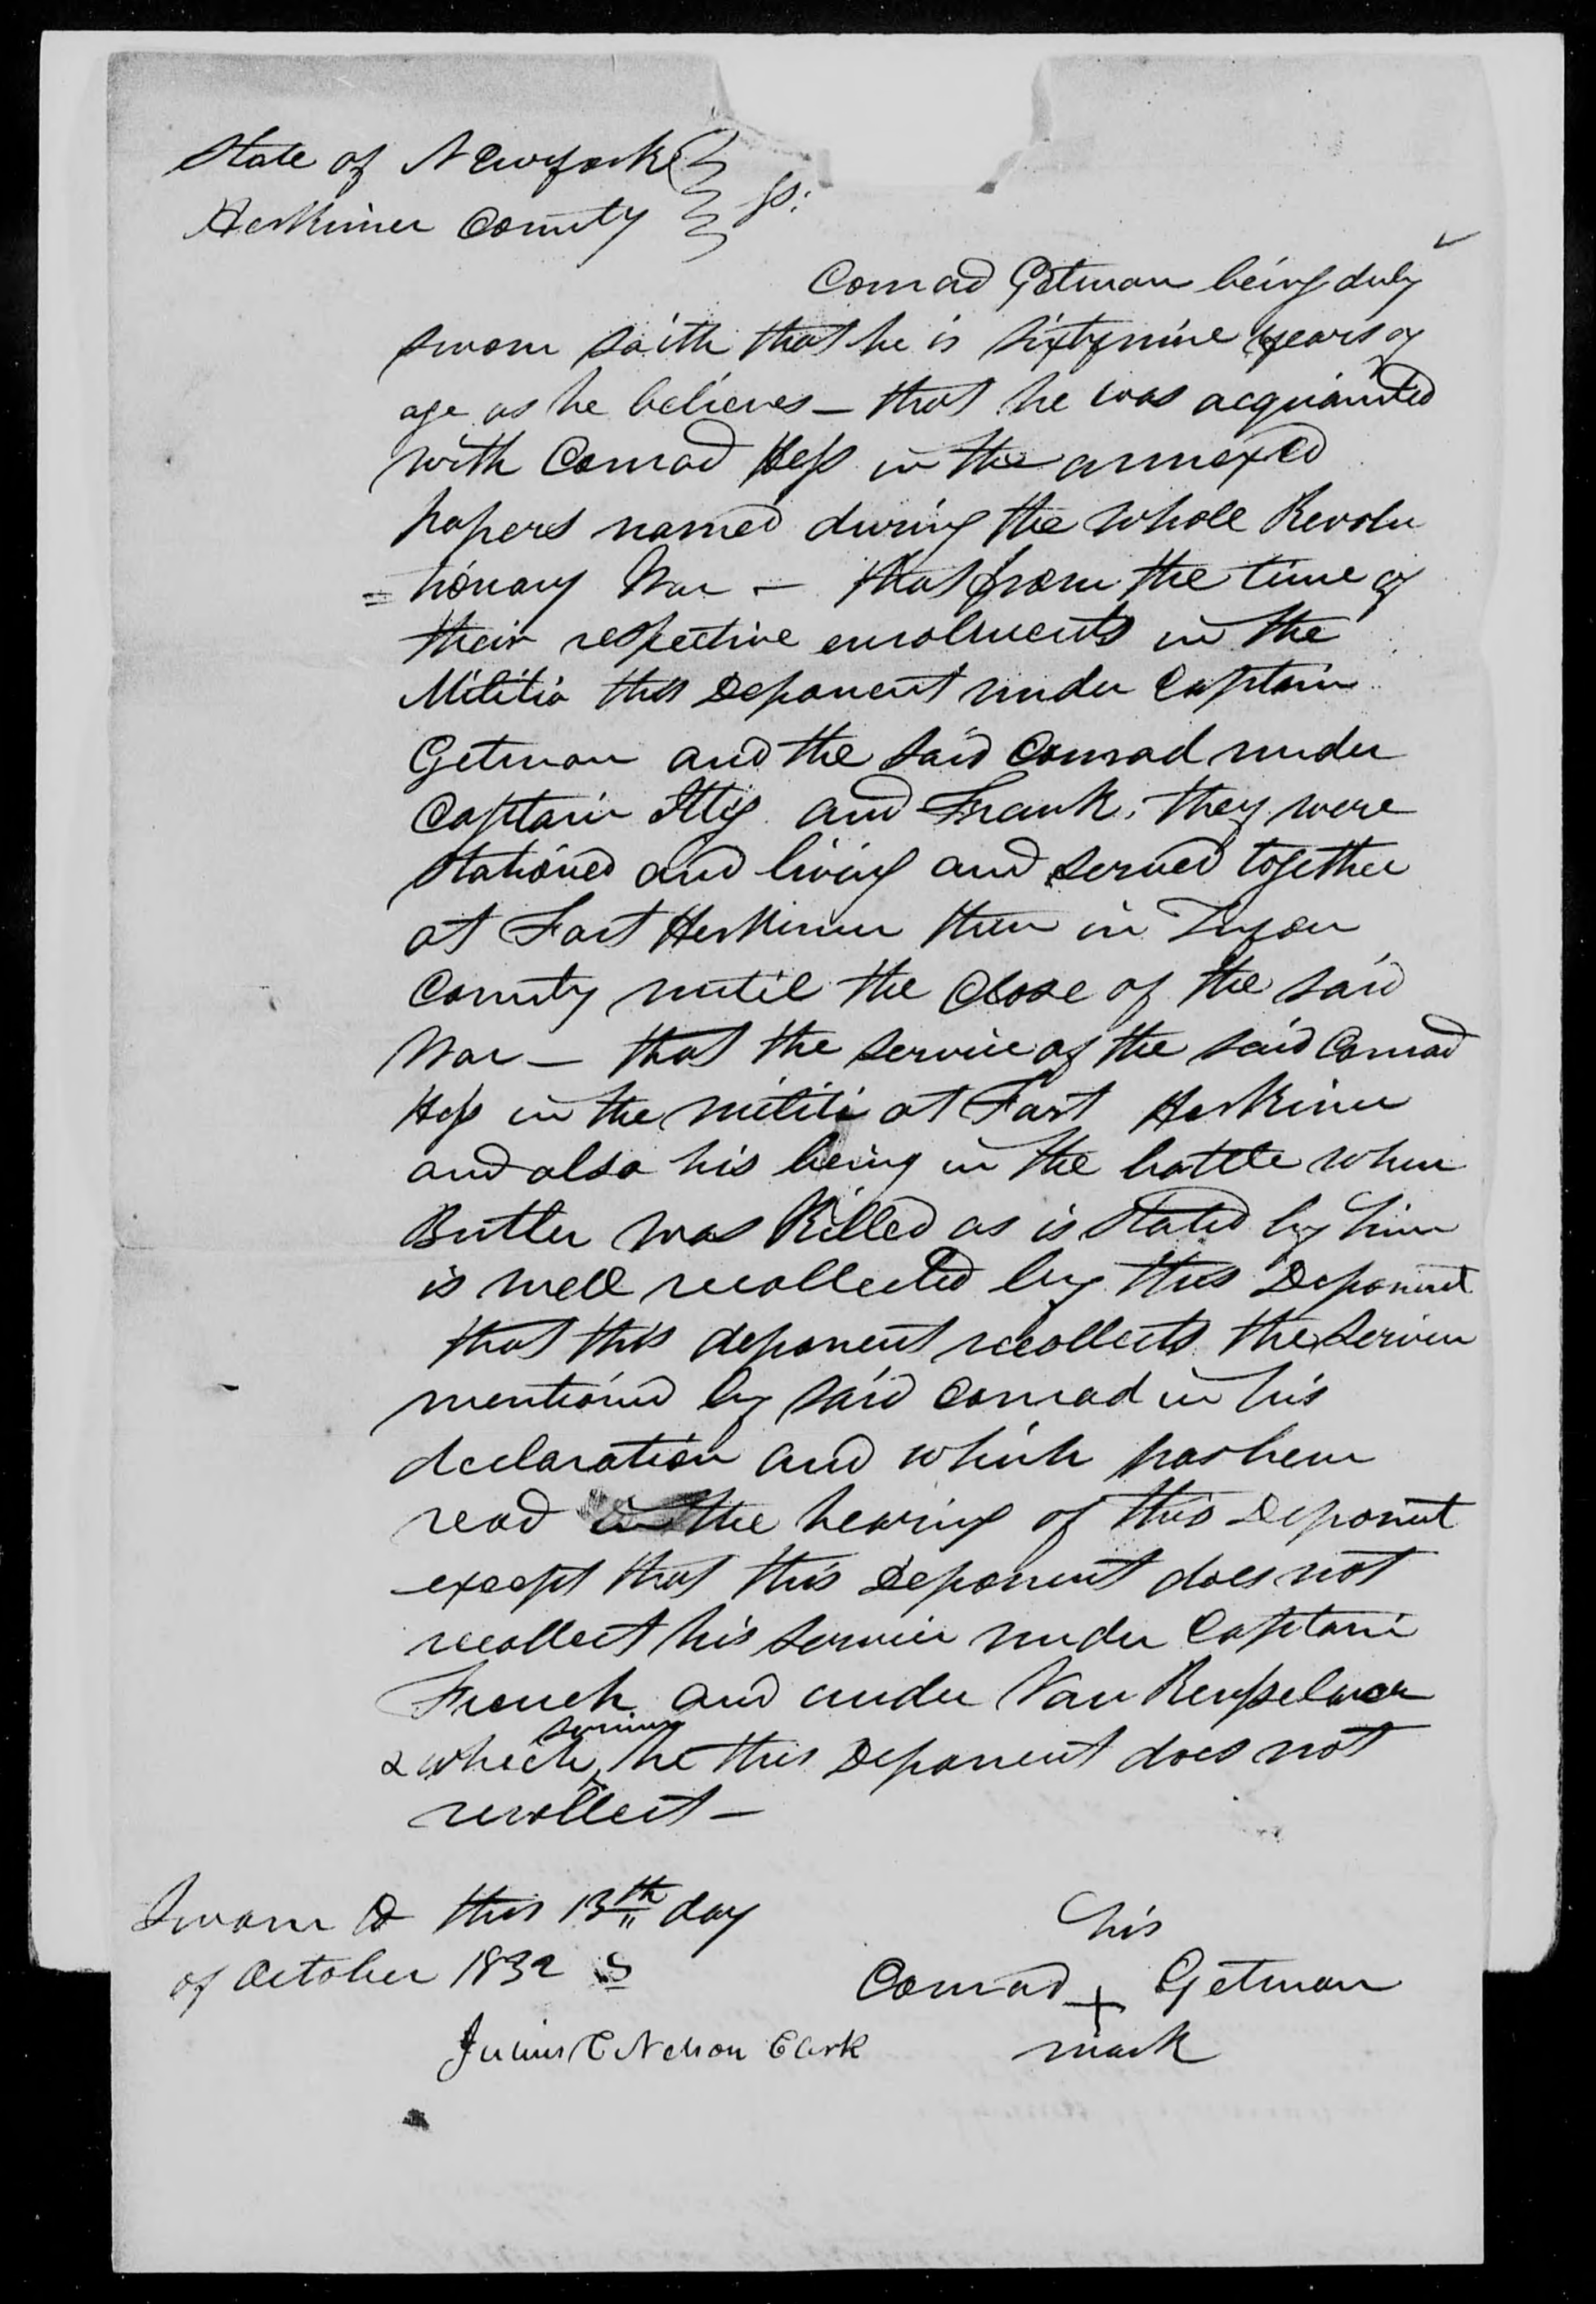[handwritten]

State of New York }
Herkimer County } SS.
Conrad Getman being duly sworn saith that he is Sixtynine years of age as he believes - that he was acquainted with Conrad Hess in the annexed papers named during the whole Revolutionary War - that from the time of their respective enrolments [sic] in the Militia that deponent under Captain Getman and the said Conrad under Captain Ittig and Frank, they were stationed and living and served together at Fort Herkimer then in Tryon County until the close of the said War - that the service of the said Conrad Hess in the militia at Fort Herkimer and also his being in the battle when Butler was killed as is stated by him is well recollected by this deponent that this deponent recollects the service mentioned by said Conrad in his declaration and which has been read to the hearing of this deponent recollect his service under Captain French and under Van Rensselaer & which ^[insert] serving he this deponent does not recollect -
Sworn on this 13th day of October 1832
Julius C Nelson Clerk
Conrad his + mark Getman [mark placed between first and last name]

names: French, Conrad, Conrad, Ittig, Conrad Hess, Julius C Nelson, Van Rensselaer, Butler, Getman, Conrad Hess, Conrad Getman, Frank, Conrad Getman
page: 12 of 30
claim: rejected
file: R. 4927, Conrad Hess, New York